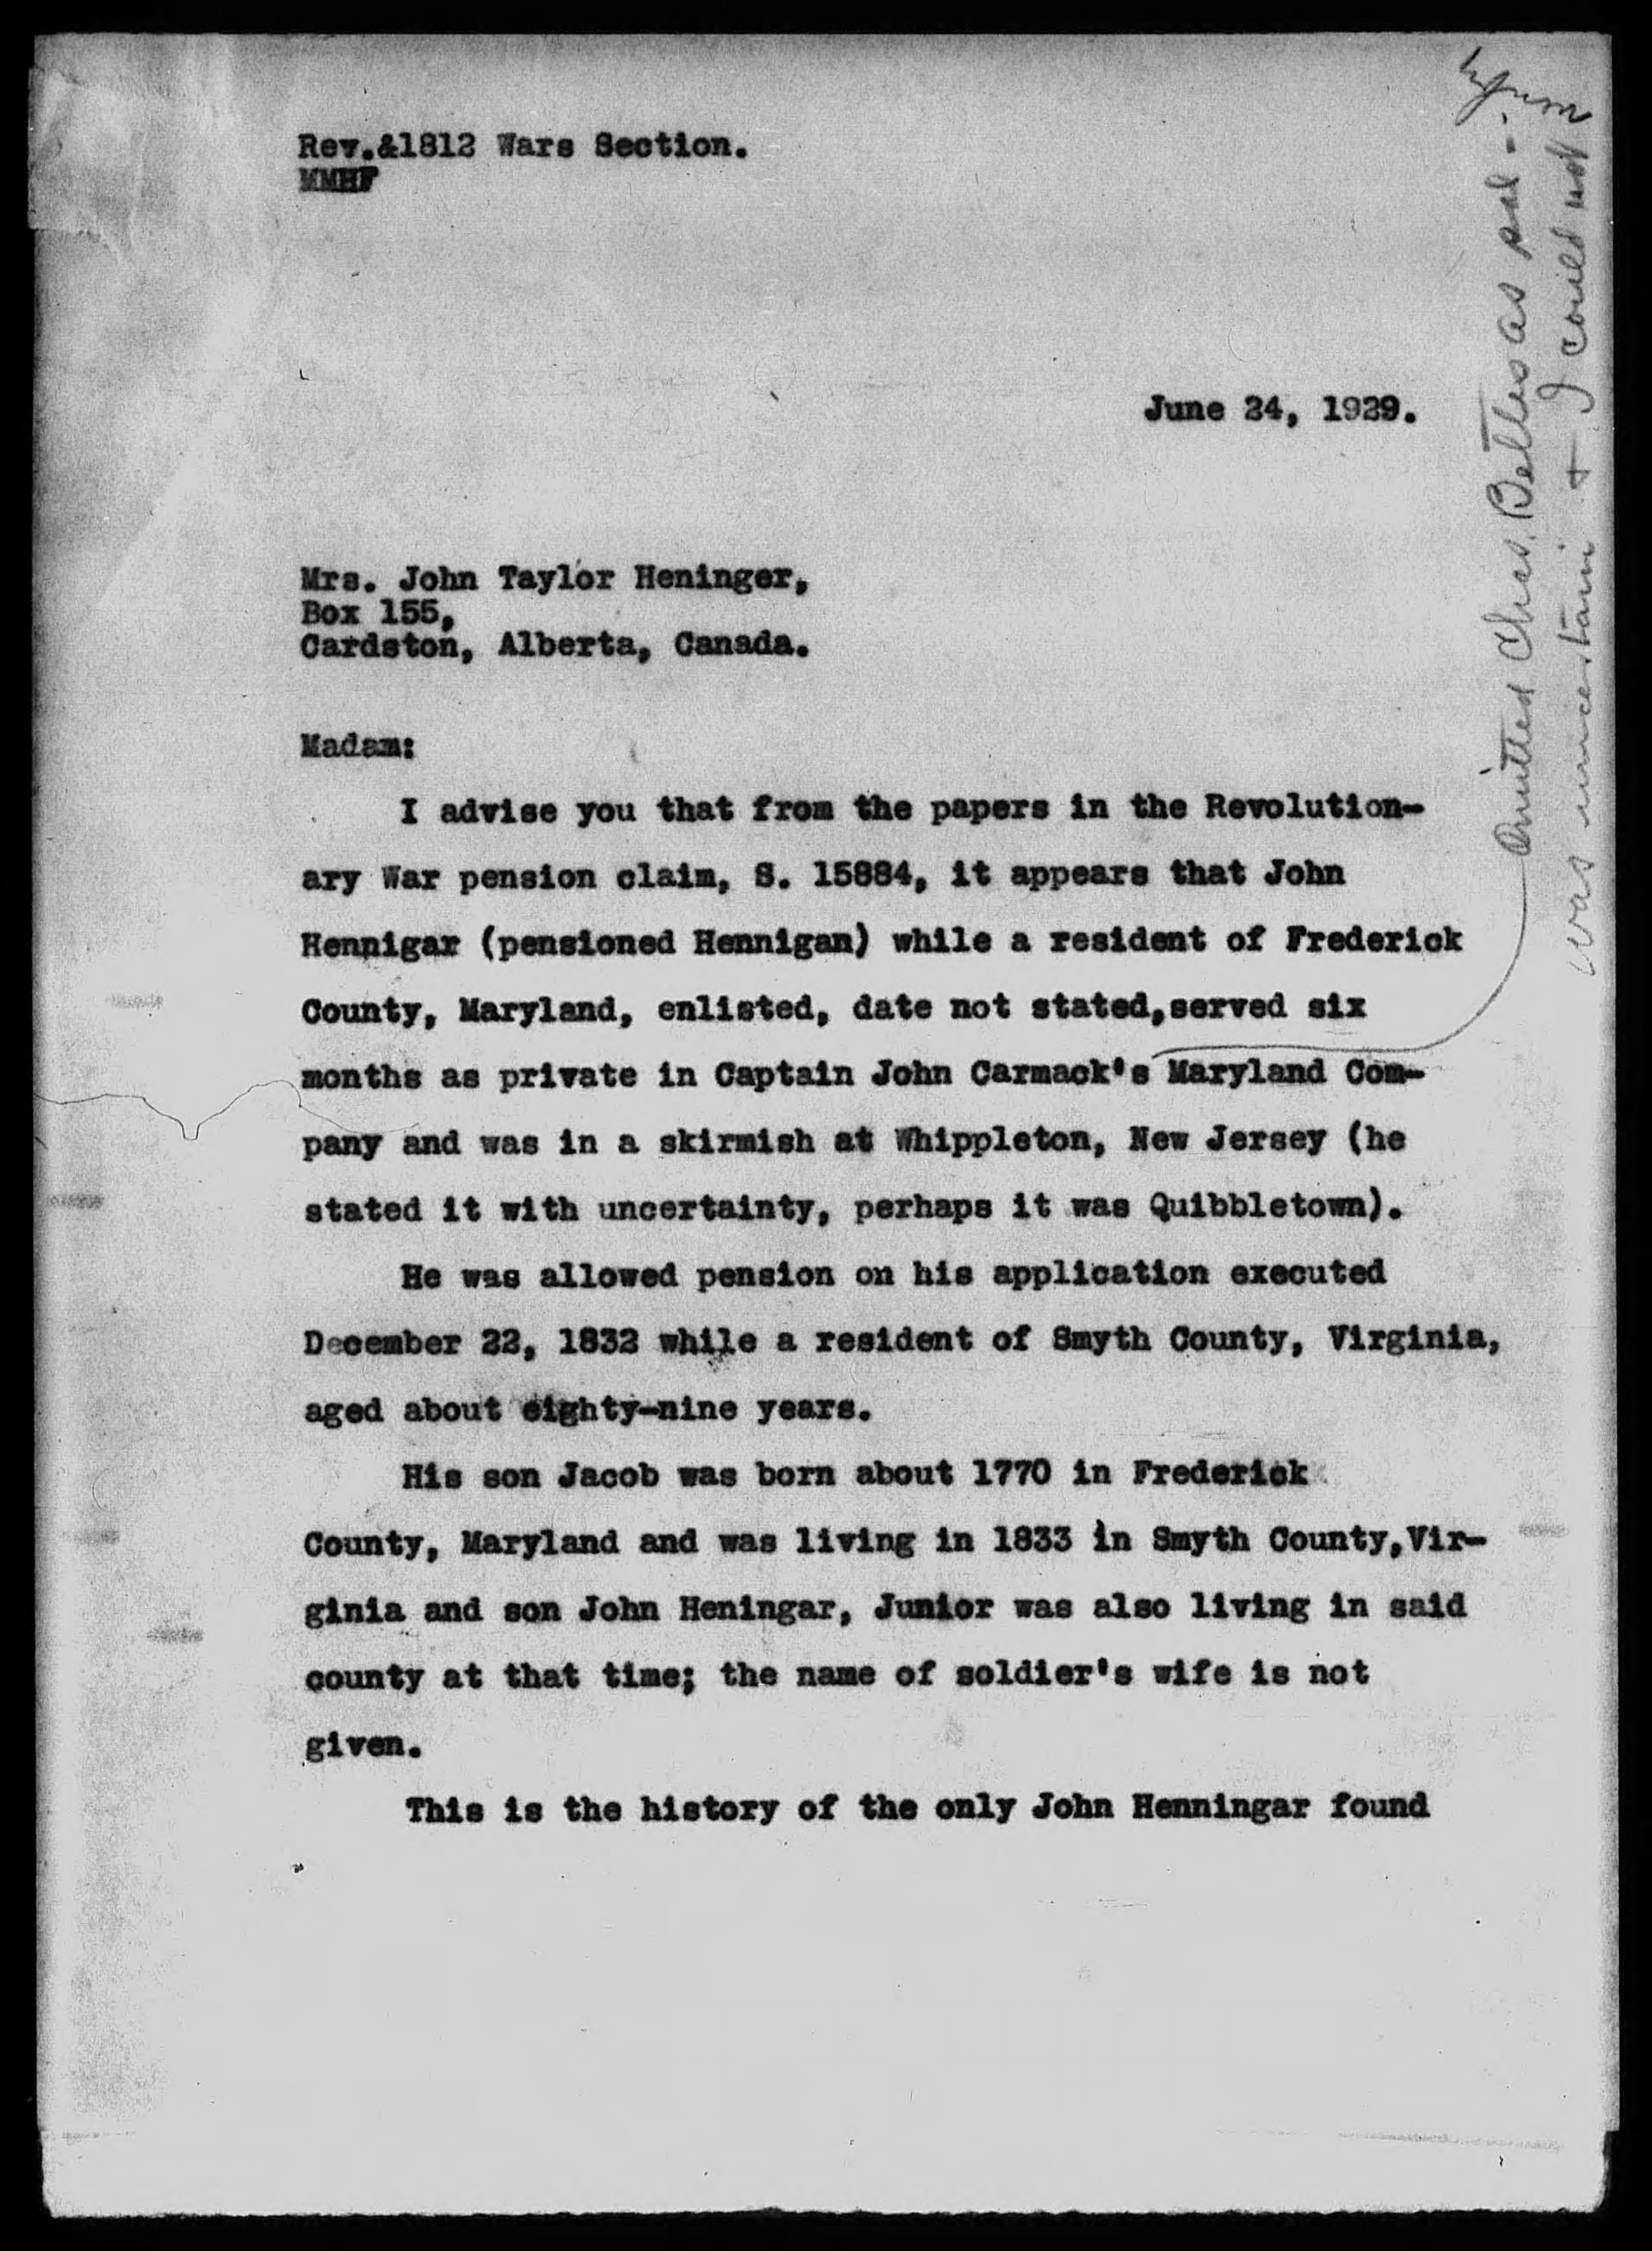Rev & 1812 Wars Section

June 24, 1929

Mrs. John Taylor Heninger
Box 155
Cardston Alberta Cananda

Madam

I advise you that from the papers in the revolutionary war pension claim, S.15884, it appears that John Hennigar (pensioned Hennigan) while a resident of Frederick County, Maryland, enlisted, date not stated, served six months a private in Captain John Carmack's Maryland Company and was in a skirmish at Whippleton, New Jersey (he stated it with uncertainty, perhaps in was Quibbletown.)

He was allowed pension on his application executed December 22, 1832, while a resident of Smyth County, Virginia, aged about eighty-nine years.

His son Jacob was born about 1170 in Frederick County, Maryland and was living in 1833 in Smyth County Virginia and son John Henigar Junior was also living in said county at that time; the name of soldier's wife is not given.

This is the history of the only John Henniger found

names: John Heningar, John Hennigar, John Hennigan, Chas Bettes, John Taylor Heninger, Jacob, John Henningar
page: 12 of 18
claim: survivor's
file: S. 15,884, John Hennigar, Md.